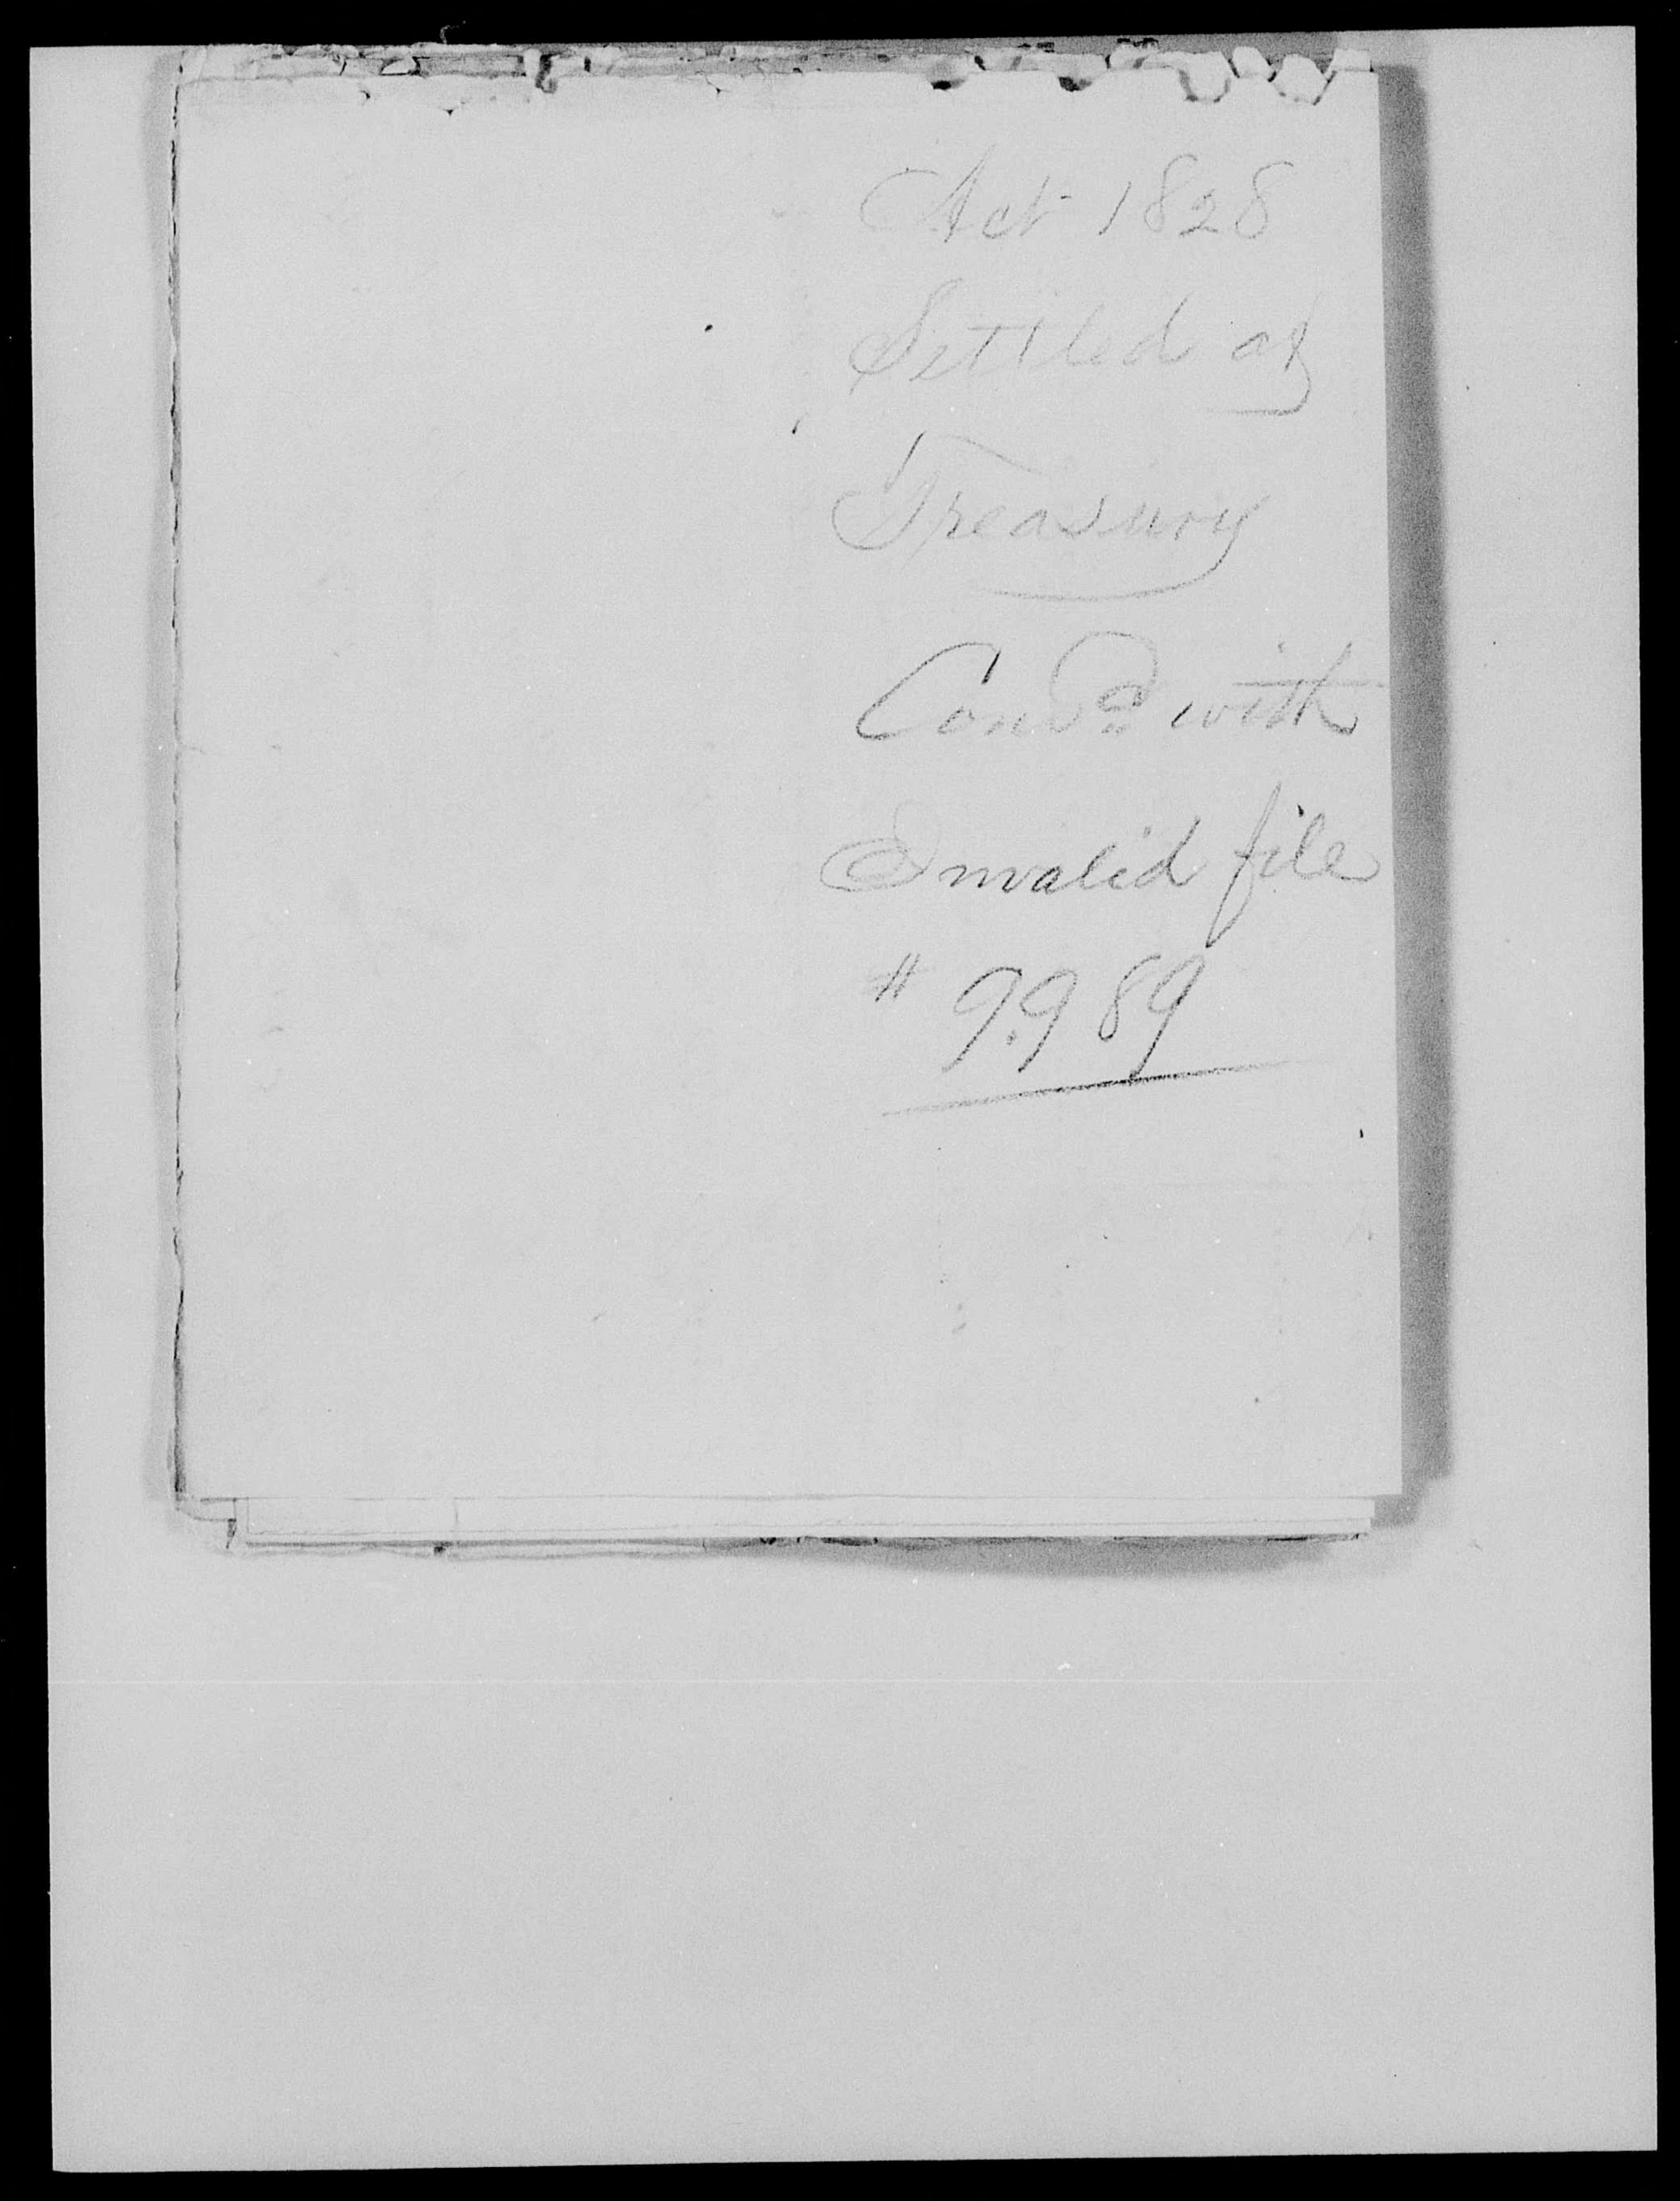No of org Paint 16.
REVOLUTIONARY CLAIMS.
TREASURY DEPARTMENT,
9th June 1828
William Popham
of Scarsdale in the County of West Chester
in the State of New York has applied to the Secretary
of the Treasury for the benefits of the act, entitled "An Act for the relief of certain surviving
officers and soldiers of the army of the Revolution,” approved on the 15th of May, 1828.
He states that he was as an officer on the Continental line, and served as such to the end
of the War,
at which period he was a Captain in
in [the -crossed out] Col Moses Hazen's regiment of the Continental
line; and that he received commutation certificates for the five years full pay granted by the resolve
of 22 March, 1783; and, further, that he has received as a pensioner since the 3d of March,
1826, Nothing
[dollars, paid to him by the agent
in the State of- crossed out]
The Third Auditor is requested to report how far these several statements are corroborated
by the records in his office.
By order of the Secretary
A. Dinkins-
TREASURY DEPARTMENT,
THIRD AUDITOR'S OFFICE,
June 10. 1828
It appears by the records in this office, that final settlement certificates have been issued for
the commutation of five years full pay to Capt. William Popham
or Moses Hartmounting to Five thousand four dollars
It further appears that he is not not now on the pension
list of any
agency, and has been since the 3 March
1826
Peter Hagner And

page: 71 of 75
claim: survivor's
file: S. 9989, for William Popham, Delaware